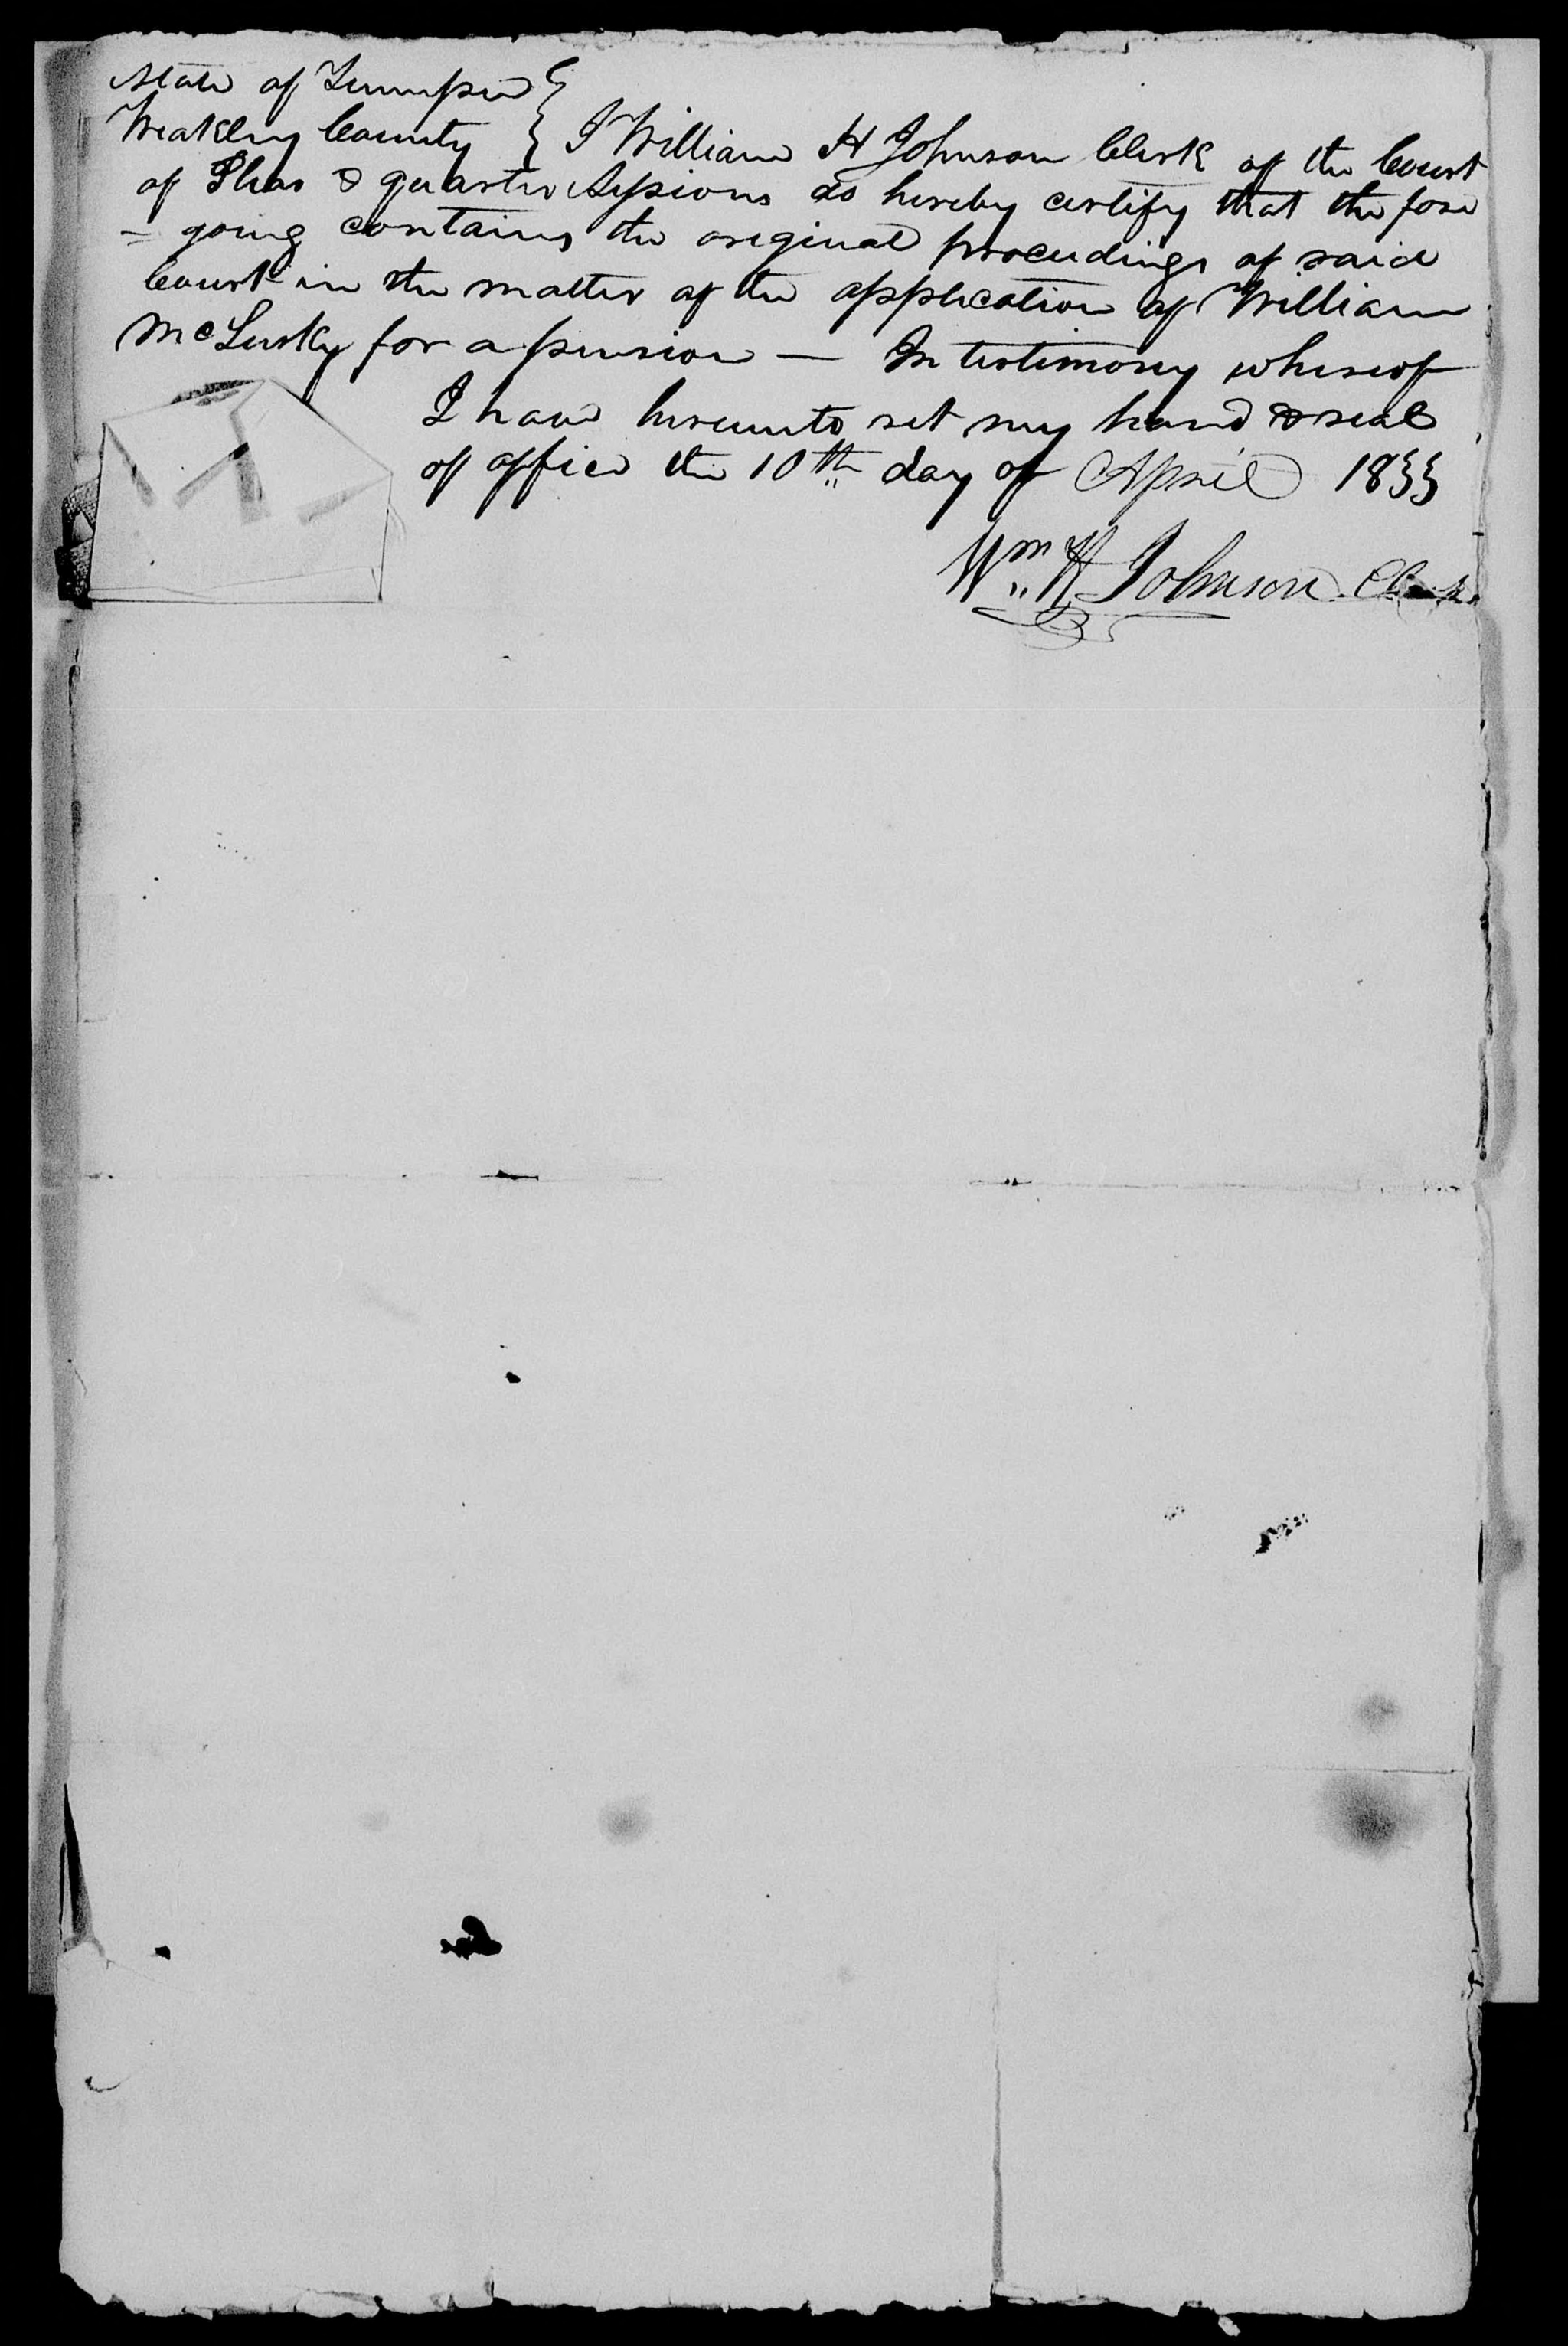State of Tennesee} 
 County }
I William H Johnson Clerk of the Court Pleas & quarter Sessions do hereby certify that the fore going contains the original proceedings of said Court in the matter of the application of William McLusky for a pension - 
In testimony whereof I have hereunto set my hand & seal  of office this 10th day of April 1833 Wm H Johnson   Clerk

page: 6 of 14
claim: survivor's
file: S. 1693, for William Mc Lusky, South Carolina